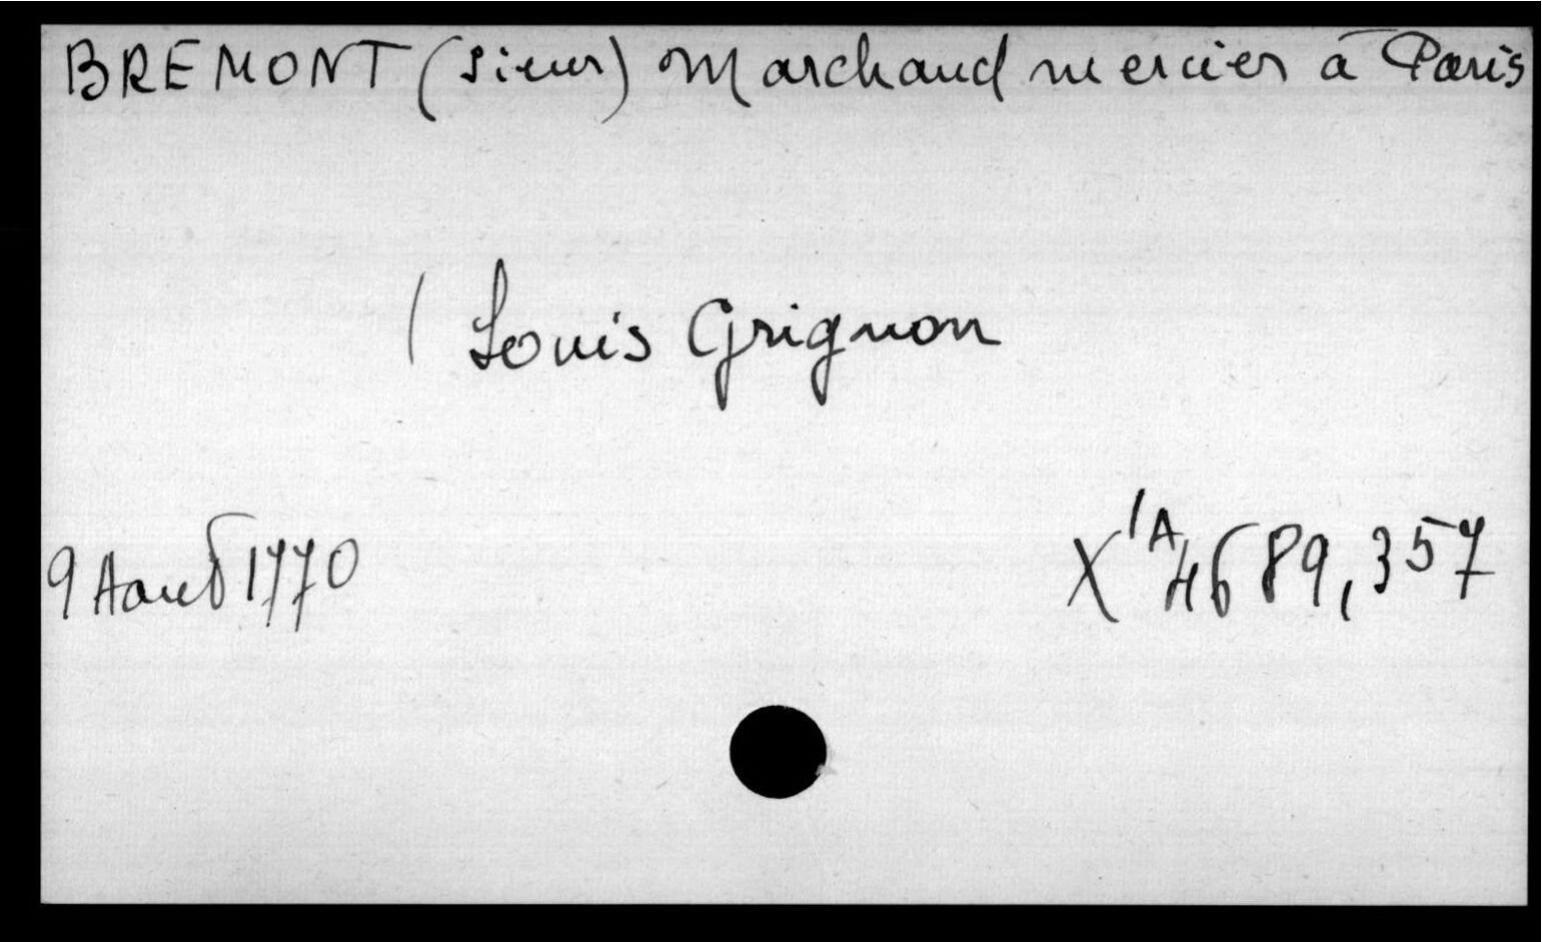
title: BREMONT (Sieur) Marchand mercier à Paris
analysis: Contre Louis Grignon
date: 9 août 1770
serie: X1A
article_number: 4689
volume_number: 357
